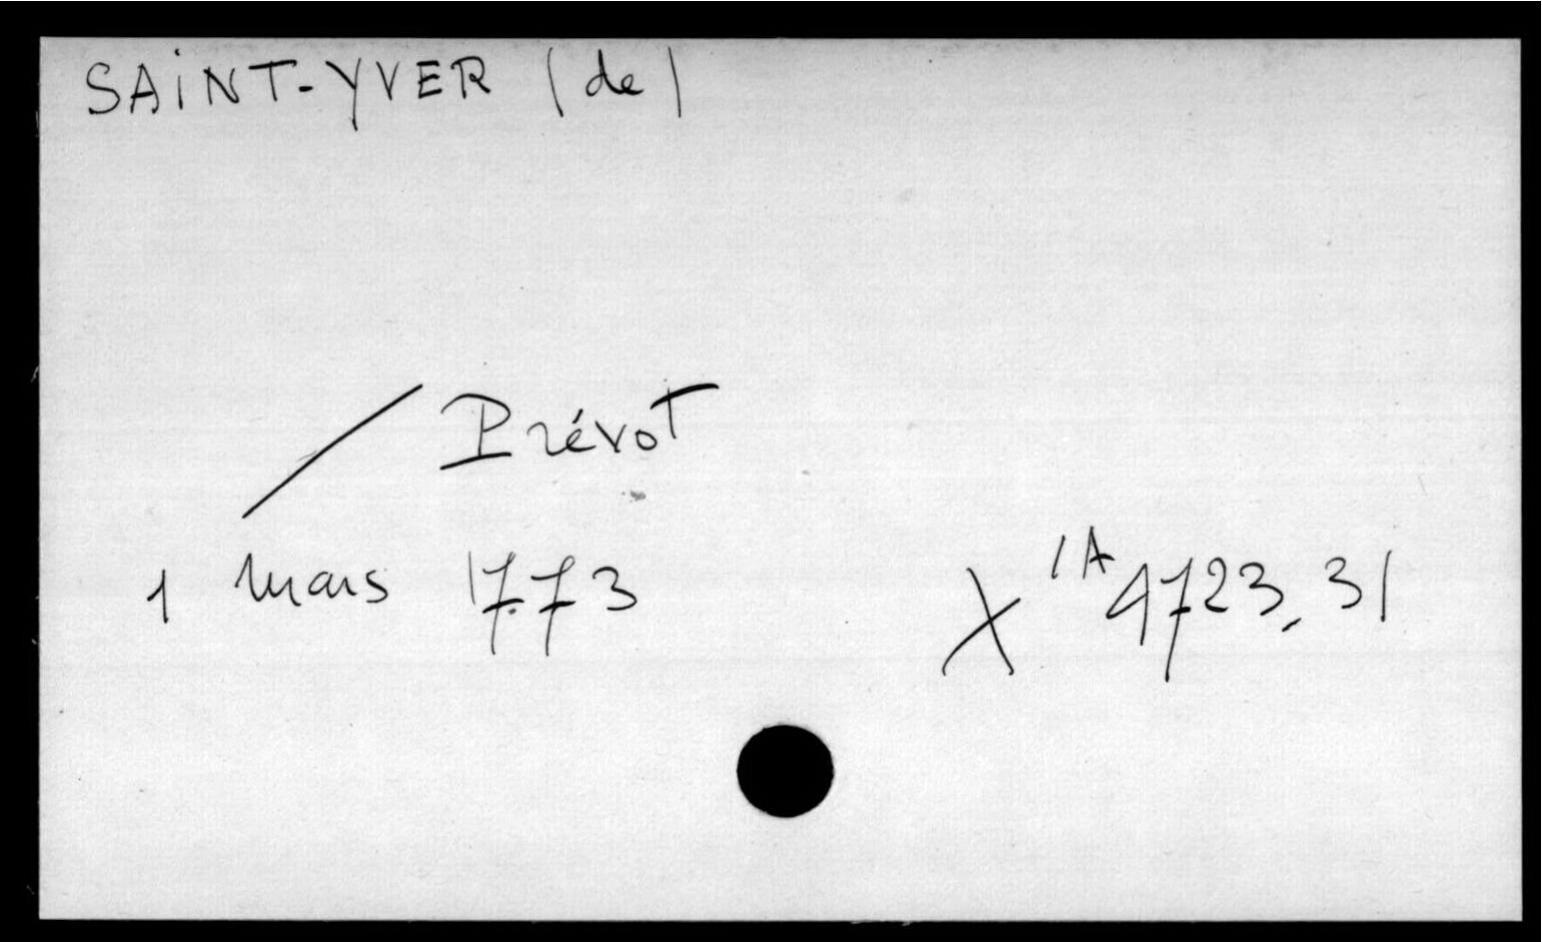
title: SAINT-YVER (de)
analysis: Contre Prévot
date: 1 mars 1773
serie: X1A
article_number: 4723
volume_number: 31
